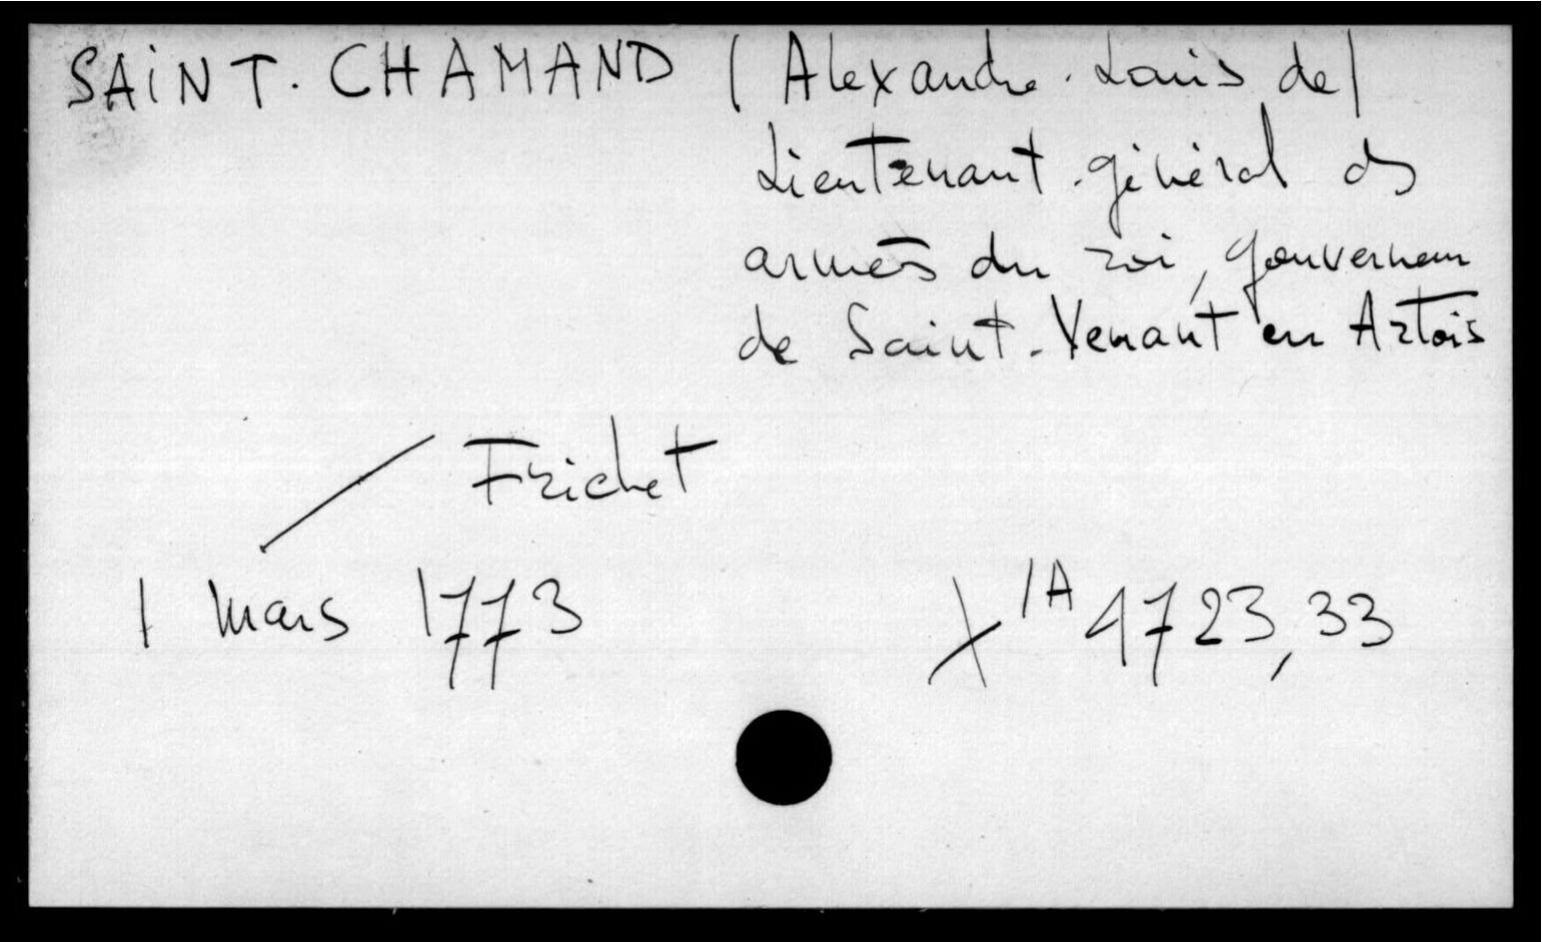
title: SAINT-CHAMAND (Alexandre-Louis de) Lieutenant général des armés du roi, gouverneur de Saint-Venant en Artois
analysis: Contre Frichet
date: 1 mars 1773
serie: X1A
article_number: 4723
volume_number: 33
